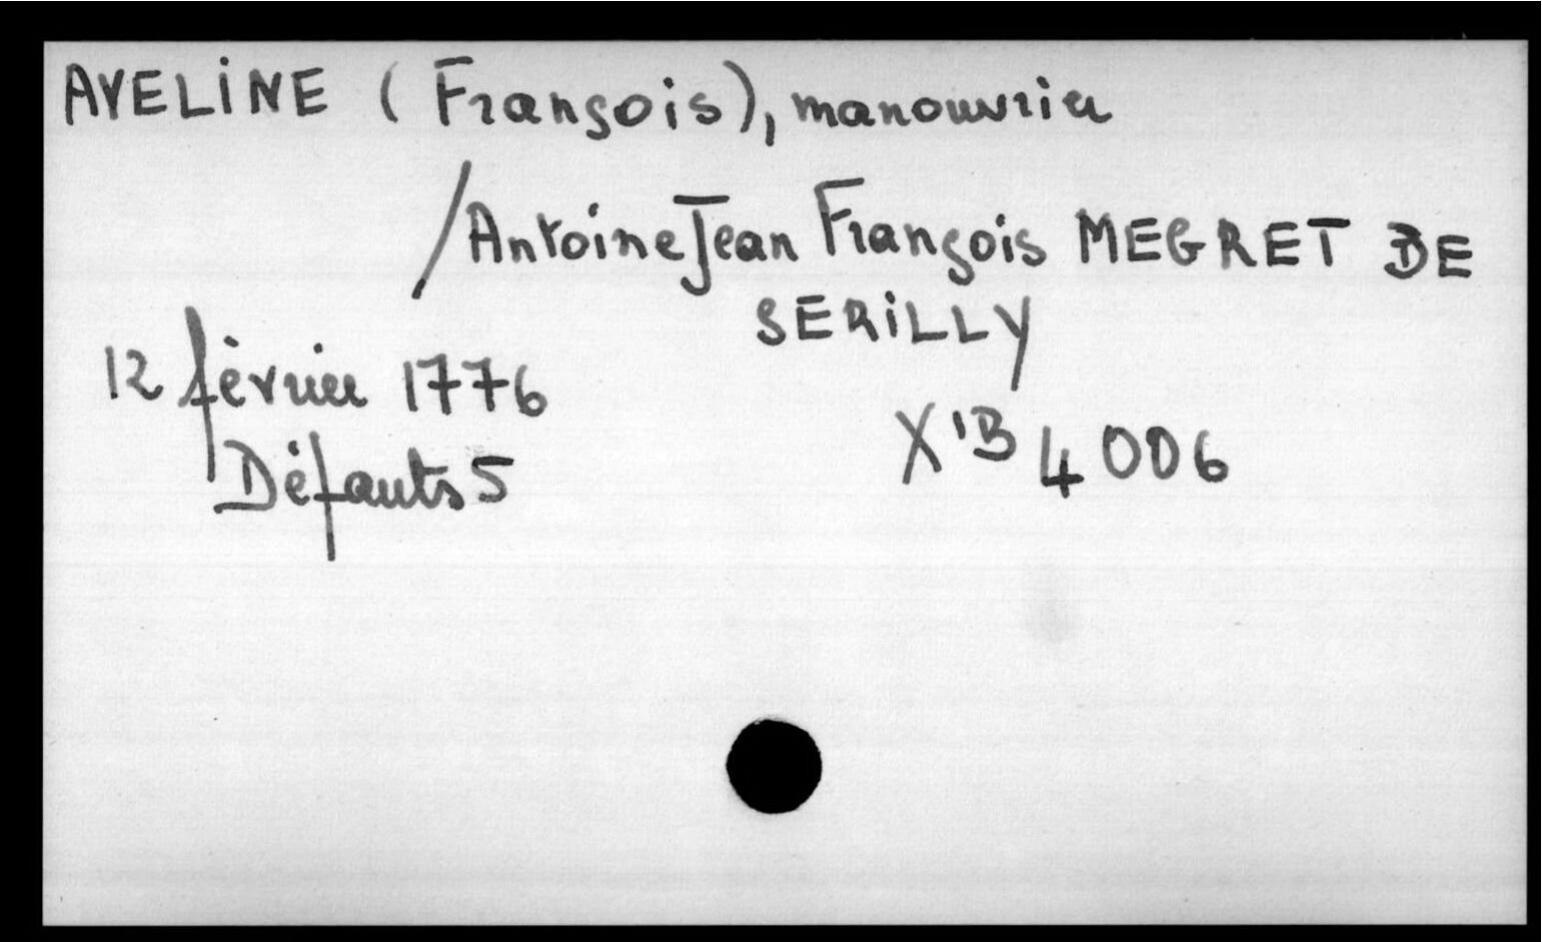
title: AVELINE (François), manouvrier
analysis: Contre Antoine Jean François MEGRET DE SERILLY
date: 12 février 1776
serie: X1A
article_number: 4006
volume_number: Défauts 5
